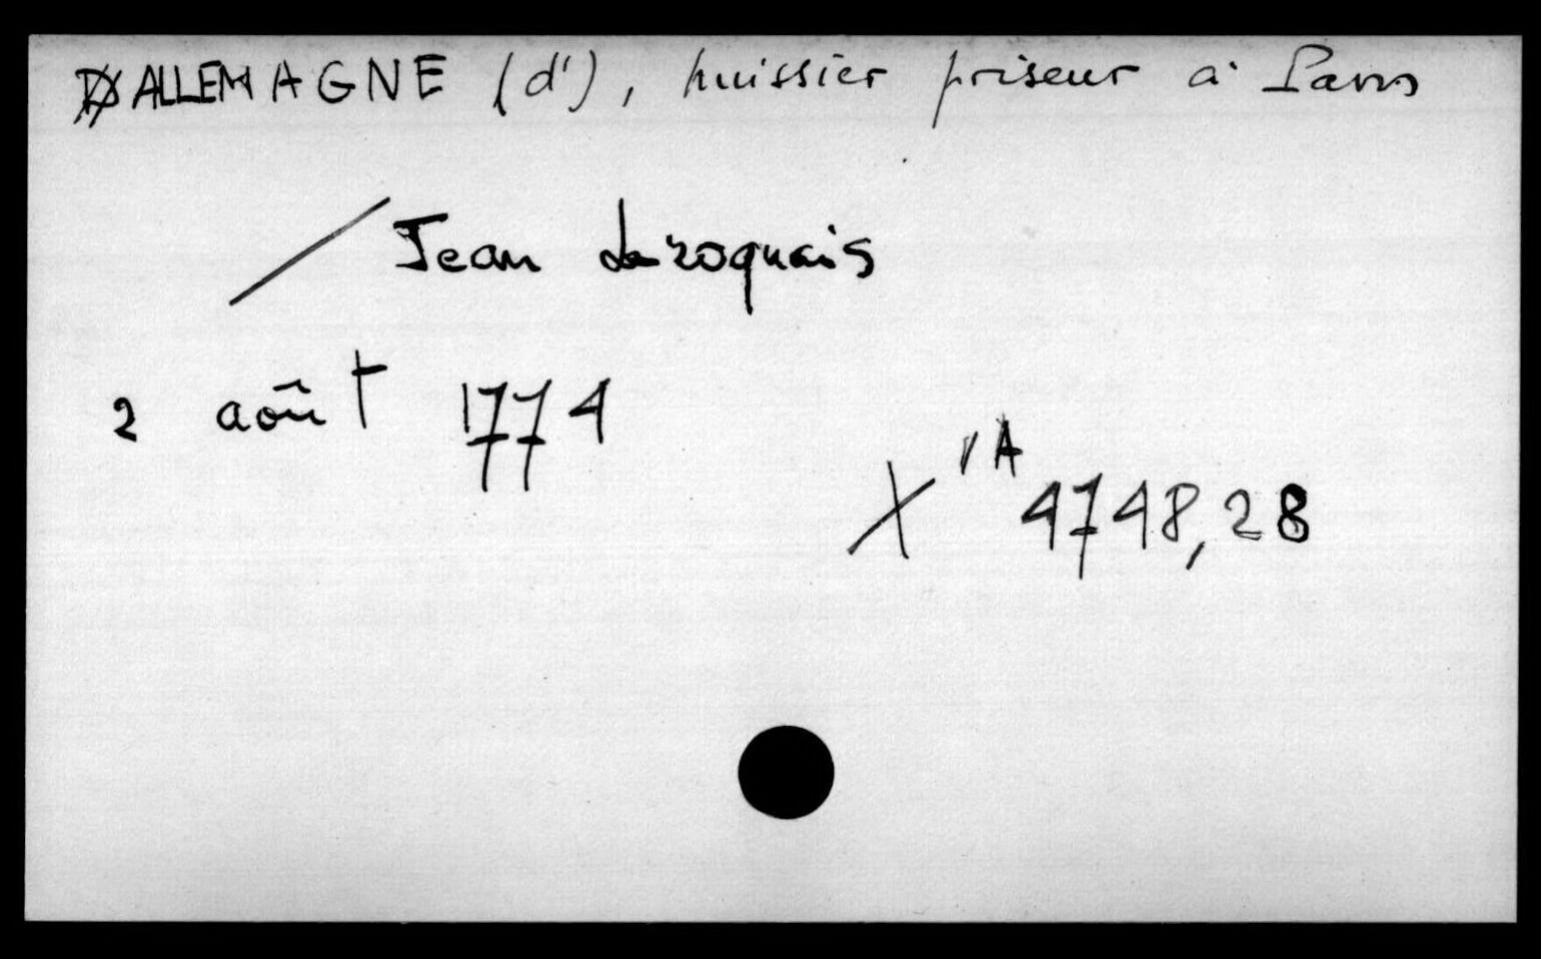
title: ALLEMAGNE (d'), huissier priseur à Paris
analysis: Contre Jean de Roquais
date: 2 août 1774
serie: X1A
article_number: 4748
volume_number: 28
